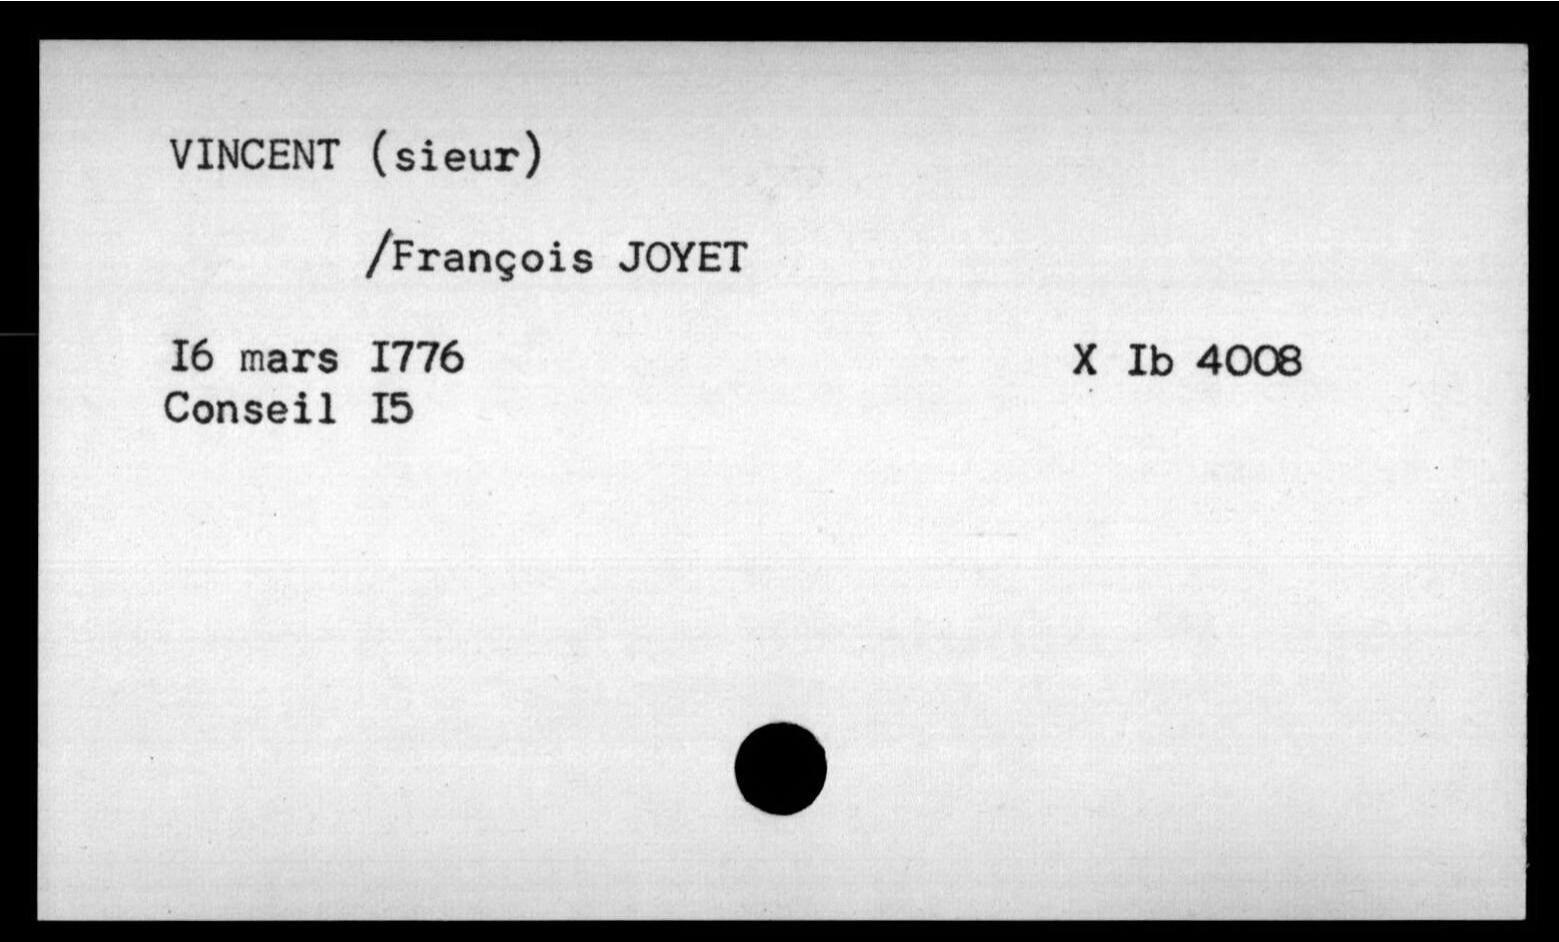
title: VINCENT (Sieur)
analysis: Contre François JOYET
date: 16 mars 1776
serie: X1b
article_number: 4008
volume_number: Conseil 15
